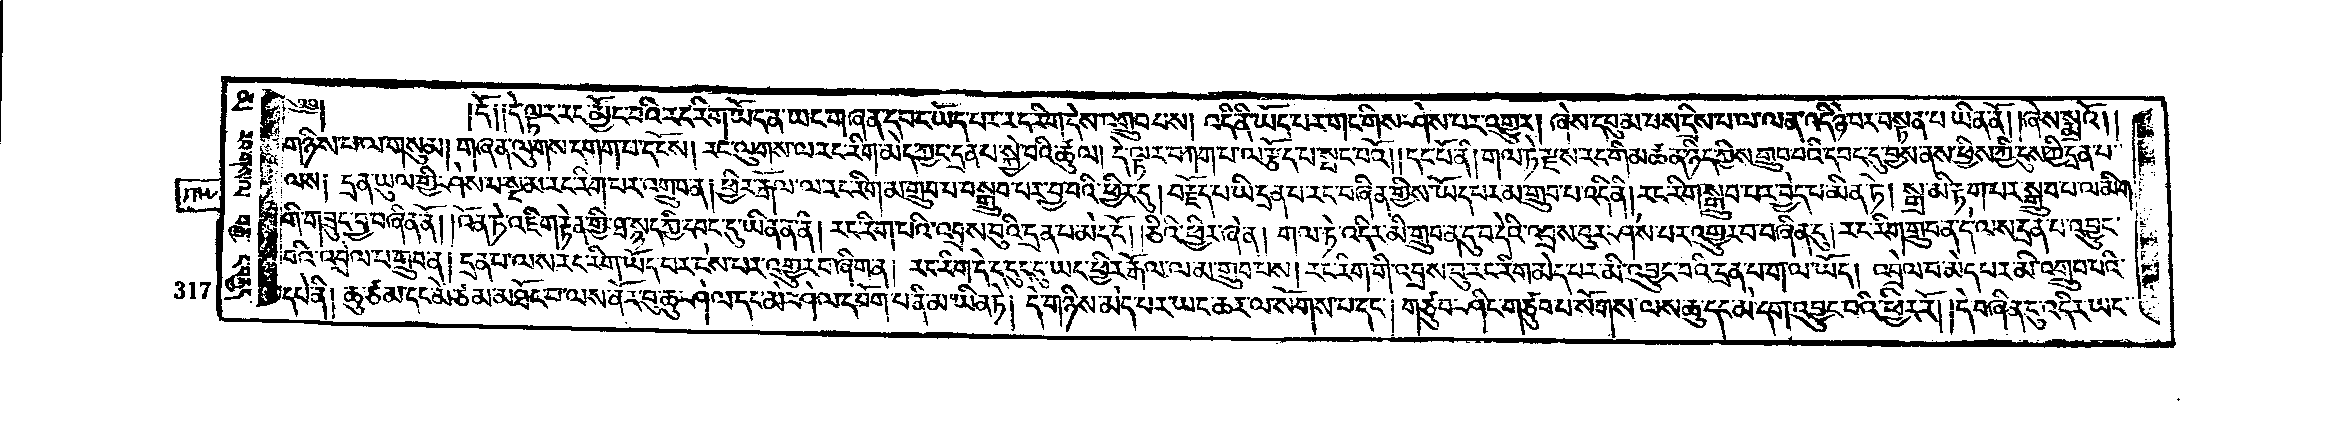༄༅། །དོ། །དེ་ལྟར་རང་མྱོང་བའི་རང་རིག་ཡོད་ན་ཡང་གཞན་དབང་ཡོད་པར་རང་རིག་དེས་འགྲུབ་པས། འདི་ནི་ཡོད་པར་གང་གིས་ཤེས་པར་འགྱུར། ཞེས་དབུ་མ་པས་དྲིས་པ་ལ་ལན་འདི་ཉེ་བར་བསྟན་པ་ཡིན་ནོ། །ཞེས་སྨྲའོ། །
གཉིས་པ་ལ་གསུམ། གཞན་ལུགས་དགག་པ་དངོས། རང་ལུགས་ལ་རང་རིག་མེད་ཀྱང་དྲན་པ་སྐྱེ་བའི་ཚུལ། དེ་ལྟར་བཀག་པ་ལ་རྩོད་པ་སྤང་པའོ། །དང་པོ་ནི། གལ་ཏེ་རྫས་རང་གི་མཚན་ཉིད་ཀྱིས་གྲུབ་པའི་དབང་དུ་བྱས་ནས་ཕྱིས་ཀྱི་དུས་ཀྱི་དྲན་པ་
ལས། དྲན་ཡུལ་གྱི་ཤེས་པ་སྔ་མ་རང་རིག་པར་འགྲུབ་ན། ཕྱིར་རྒོལ་ལ་རང་རིག་མ་གྲུབ་པ་བསྒྲུབ་པར་བྱ་བའི་ཕྱིར་དུ། བརྗོད་པ་ཡི་དྲན་པ་རང་བཞིན་གྱིས་ཡོད་པར་མ་གྲུབ་པ་འདི་ནི། རང་རིག་སྒྲུབ་པར་བྱེད་པ་མིན་ཏེ། སྒྲ་མི་རྟག་པར་སྒྲུབ་པ་ལ་མིག་
གི་གཟུང་བྱ་བཞིན་ནོ། །འོན་ཏེ་འཇིག་རྟེན་གྱི་ཐ་སྙད་ཀྱི་དབང་དུ་ཡིན་ན་ནི། རང་རིག་པའི་འབྲས་བུའི་དྲན་པ་མེད་དོ། །ཅིའི་ཕྱིར་ཞེ་ན། གལ་ཏེ་འདིར་མི་གྲུབ་ན་དུ་བ་དེའི་འབྲས་བུར་ཤེས་པར་འགྱུར་བ་བཞིན་དུ། རང་རིག་གྲུབ་ན་དེ་ལས་དྲན་པ་འབྱུང་
བའི་འབྲེལ་པ་གྲུབ་ན། དྲན་པ་ལས་རང་རིག་ཡོད་བར་ངེས་པར་འགྱུར་བ་ཞིག་ན། རང་རིག་དེ་ད་དུང་དུ་ཡང་ཕྱིར་རྒོལ་ལ་མ་གྲུབ་པས། རང་རིག་གི་འབྲས་བུ་རང་རིག་མེད་པར་མི་འབྱུང་བའི་དྲན་པ་ག་ལ་ཡོད། འབྲེལ་བ་མེད་པར་མི་འགྲུབ་པའི་
དཔེ་ནི། ཆུ་ཙམ་དང་མེ་ཙམ་མཐོང་བ་ལས་ནོར་བུ་ཆུ་ཤེལ་དང་མེ་ཤེལ་དཔོག་པ་ནི་མ་ཡིན་ཏེ། དེ་གཉིས་མེད་པར་ཡང་ཆར་ལ་སོགས་པ་དང་། གཙུབ་ཤིང་གཙུབ་པ་སོགས་ལས་ཆུ་དང་མེ་དག་འབྱུང་བའི་ཕྱིར་རོ། །དེ་བཞིན་དུ་འདིར་ཡང་